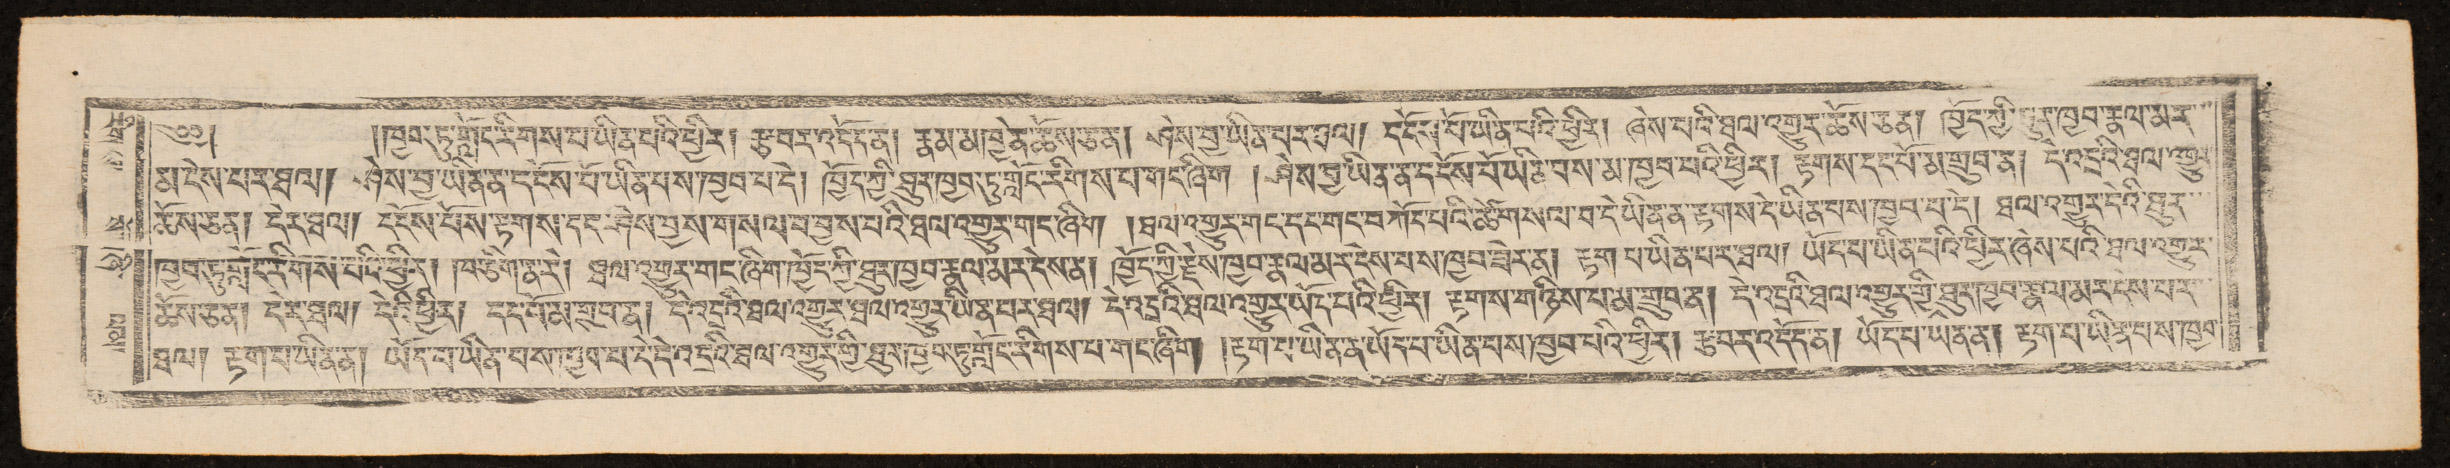༄༅། །ཁྱབ་ཏུ་གློང་རིགས་པ་ཡིན་པའི་ཕྱིར། རྩ་བར་འདོད་ན། རྣམ་མཁྱེན་ཆོས་ཅན། ཤེས་བྱ་ཡིན་པར་ཐལ། དངོས་པོ་ཡིན་པའི་ཕྱིར། ཞེས་པའི་ཐལ་འགྱུར་ཆོས་ཅན། ཁྱོད་ཀྱི་ཐུར་ཁྱབ་རྣལ་མར་
མ་ངེས་པར་ཐལ། ཤེས་བྱ་ཡིན་ན་དངོས་པོ་ཡིན་པས་ཁྱབ་པ་དེ། ཁྱོད་ཀྱི་ཐུར་ཁྱབ་ཏུ་གློང་རིགས་པ་གང་ཞིག། ཤེས་བྱ་ཡིན་ན་དངོས་པོ་ཡིན་པས་མ་ཁྱབ་པའི་ཕྱིར། རྟགས་དང་པོ་མ་གྲུབ་ན། དེ་འདྲའི་ཐལ་འགྱུར་
ཆོས་ཅན། དེར་ཐལ། དངོས་པོས་རྟགས་དང་ཤེས་བྱས་གསལ་བ་བྱས་པའི་ཐལ་འགྱུར་གང་ཞིག །ཐལ་འགྱུར་གང་དང་གང་བཀོད་པའི་ཚེ་གསལ་བ་དེ་ཡིན་ན་རྟགས་དེ་ཡིན་པས་ཁྱབ་པ་དེ། ཐལ་འགྱུར་དེའི་ཐུར་
ཁྱབ་ཏུ་གློང་རིགས་པའི་ཕྱིར། ཁ་ཅིག་ན་རེ། ཐལ་འགྱུར་གང་ཞིག་ཁྱོད་ཀྱི་ཐུར་ཁྱབ་རྣལ་མར་ངེས་ན། ཁྱོད་ཀྱི་རྗེས་ཁྱབ་རྣལ་མར་ངེས་པས་ཁྱབ་ཟེར་ན། རྟག་པ་ཡིན་པར་ཐལ། ཡོད་པ་ཡིན་པའི་ཕྱིར་ཞེས་པའི་ཐལ་འགྱུར་
ཆོས་ཅན། དེར་ཐལ། དེའི་ཕྱིར། དང་པོ་མ་གྲུབ་ན། དེ་འདྲའི་ཐལ་འགྱུར་ཐལ་འགྱུར་ཡིན་པར་ཐལ། དེ་འདྲའི་ཐལ་འགྱུར་ཡོད་པའི་ཕྱིར། རྟགས་གཉིས་པ་མ་གྲུབ་ན། དེ་འདྲའི་ཐལ་འགྱུར་གྱི་ཐུར་ཁྱབ་རྣལ་མར་ངེས་པར་
ཐལ། རྟག་པ་ཡིན་ན། ཡོད་པ་ཡིན་པས་ཁྱབ་པ་དེ་དེ་འདྲའི་ཐལ་འགྱུར་གྱི་ཐུར་ཁྱབ་ཏུ་གློང་རིགས་པ་གང་ཞིག། །རྟག་པ་ཡིན་ན་ཡོད་པ་ཡིན་པས་ཁྱབ་པའི་ཕྱིར། རྩ་བར་འདོད་ན། ཡོད་པ་ཡིན་ན། རྟག་པ་ཡིན་པས་ཁྱབ་